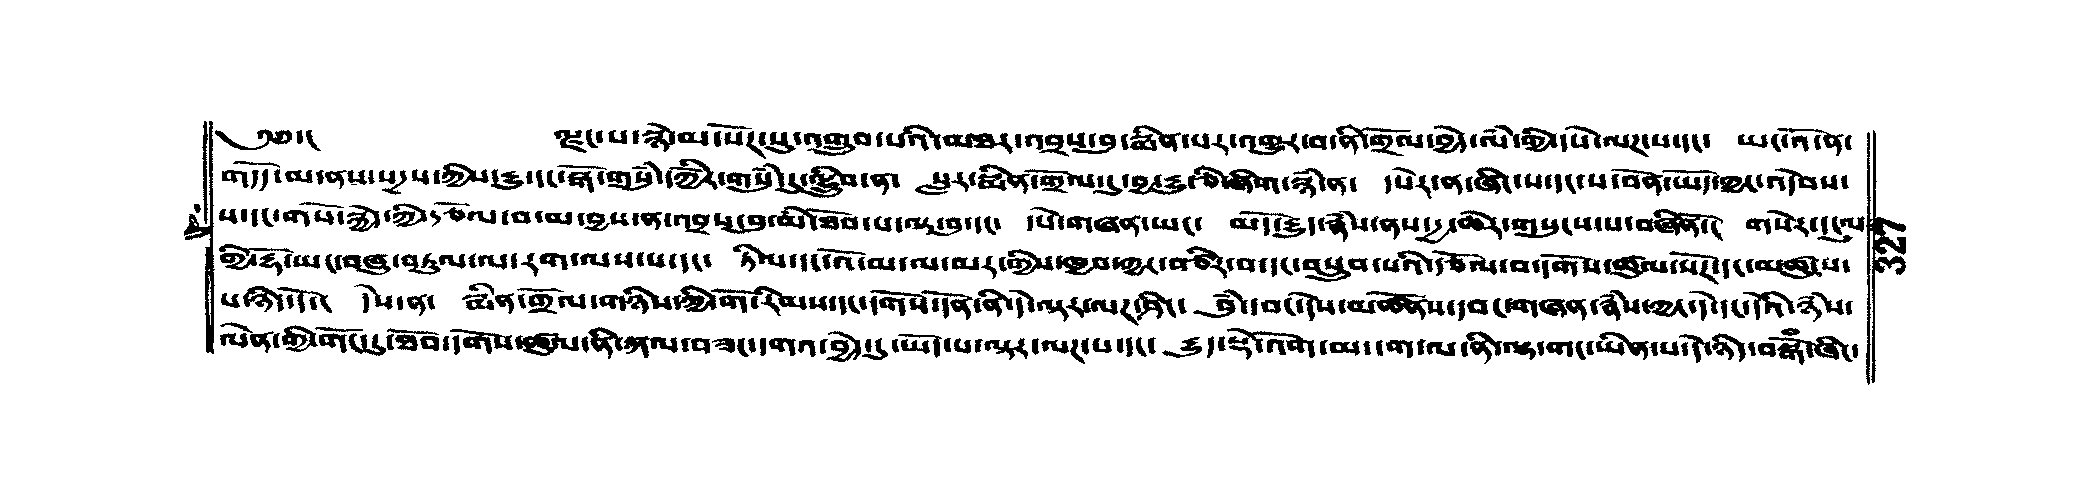ལྗང་པ་སྙེ་མ་སོགས་སུ་འགྲུབ་པའི་མཐར་འབྲས་བུ་སྨིན་པར་འགྱུར་བ་ནི་གྲོལ་བྱེད་ལམ་གྱི་དཔེ་ལགས་པ་དང་། ཡང་། འོ་ན་
གདོད་མ་ནས་སངས་རྒྱས་ཀྱིས་རྒྱུ་དང་སྒོ་གསུམ་དཀྱིལ་འཁོར་གསུམ་དུ་ལྷུན་གྱིས་གྲུབ་ན། སླར་སྨིན་གྲོལ་དུ་བྱ་རྒྱུ་ཅི་ཞིག་སྙམ་ན། དཔེར་ན་ཞིང་ས་དང་ས་བོན་ཡོད་ཀྱང་འདེབས་
པ་དང་གསོ་བསྐྱེད་ཀྱི་རྩོལ་བ་མ་བྱས་ན་འབྲས་བུ་མི་ཐོབ་པ་ལྟ་བུ་དང་། དཔེ་གཞན་ཡང་། མདོ་རྒྱུད་རྣམས་ནས་རྒྱ་ཆེར་གསུངས་པ་བཞིན་ནོ། གསེར་དངུལ་
གྱི་རྡོ་ཡང་བཞུ་བཏུལ་ལ་རག་ལས་པ་དང་། ཏིལ་དང་འོ་མ་ལ་མར་གྱིས་ཁྱབ་ཀྱང་བཙིར་བ་དང་བསྲུབ་པའི་རྩོལ་བ་དགོས་ཚུལ་སོགས་དང་མཚུངས་
པ་ཉིད་དོ། དེས་ན། སྨིན་གྲོལ་གཉིས་ཀྱི་གོ་རིམ་དང་དགོས་དོན་ནི་དེ་ལྟར་ལགས་ཤིང་། བུམ་དབང་དེས་མཚོན་ནས་དབང་གཞན་རྣམས་ཀྱང་དེ་དང་དེའི་ཉམས་
ལེན་གྱི་གོང་དུ་ཐོབ་དགོས་ཚུལ་ནི་སྐལ་བཟང་དགའ་བྱེད་དུ་ཡོད་པ་ལྟར་ལགས་པ་དང་། རྒྱུད་སྡེ་འོག་མ་དག་ལ་ནི་ལྷ་གང་ཡིན་པ་དེ་ཉིད་བསྒོམ་ཞིང་